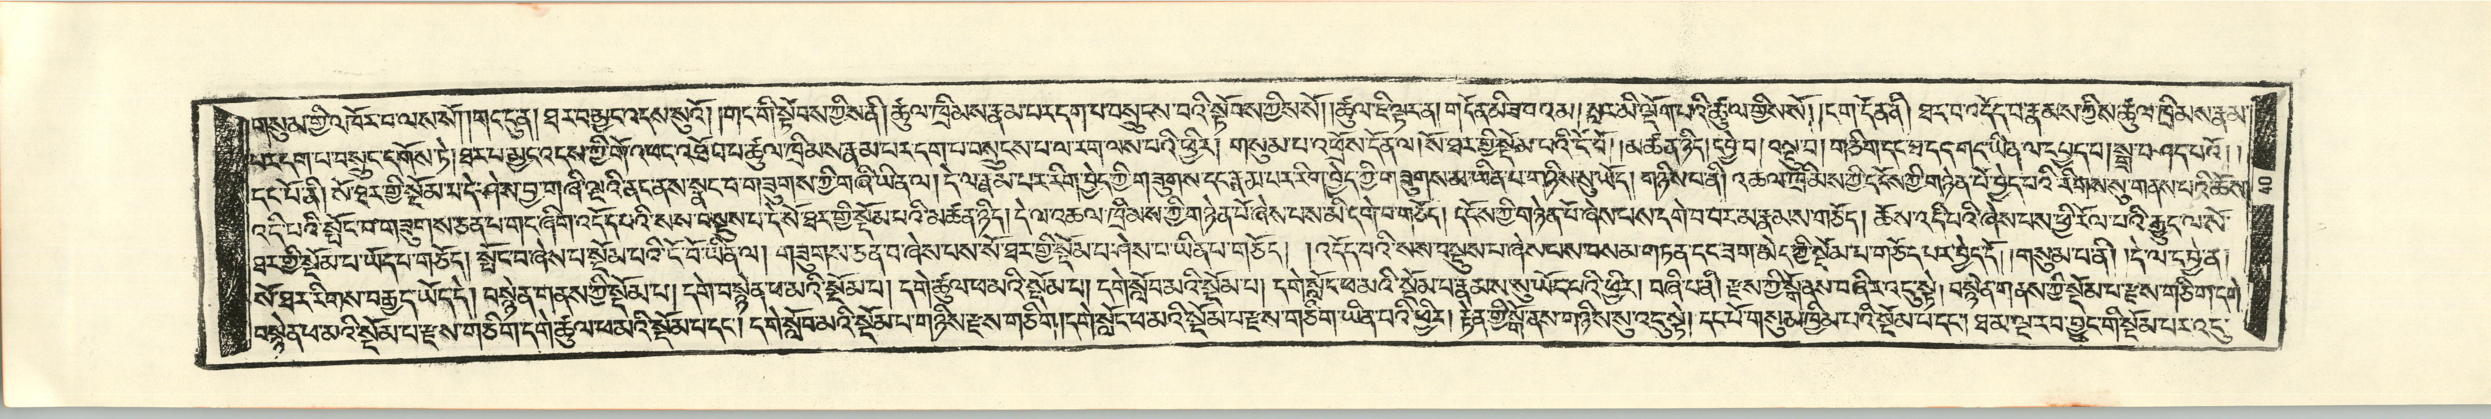གསུམ་གྱི་འཁོར་བ་ལས་སོ། །གང་དུ་ན། ཐར་བ་མྱང་འདས་སུའོ། །གང་གི་སྟོབས་ཀྱིས་ནི། ཚུལ་ཁྲིམས་རྣམ་པར་དག་པ་བསྲུངས་བའི་སྟོབས་ཀྱིས་སོ། །ཚུལ་ཇི་ལྟར་ན། གདོན་མི་ཟ་བའམ། སླར་མི་ལྡོག་པའི་ཚུལ་གྱིས་སོ། །ངག་དོན་ནི། ཐར་བ་འདོད་བ་རྣམས་ཀྱིས་ཚུལ་ཁྲིམས་རྣམ་
པར་དག་པ་བསྲུང་དགོས་ཏེ། ཐར་པ་མྱང་འདས་ཀྱི་གོ་འཕང་འཐོབ་པ་ཚུལ་ཁྲིམས་རྣམ་པར་དག་པ་བསྲུངས་པ་ལ་རག་ལས་པའི་ཕྱིར། གསུམ་པ་འཕྲོས་དོན་ལ། སོ་ཐར་གྱི་སྡོམ་པའི་ངོ་བོ། །མཚན་ཉིད། དབྱེ་བ། བསྡུ་བ། གཅིག་དང་ཐ་དད་གང་ཡིན་ལ་དཔྱད་པ། སྒྲ་བཤད་པའོ། །
དང་པོ་ནི། སོ་ཐར་གྱི་སྡོམ་པ་དེ་ཤེས་བྱ་གཞི་ལྔའི་ནང་ནས་སྣང་བ་གཟུགས་ཀྱི་གཞི་ཡིན་ལ། དེ་ལ་རྣམ་པར་རིག་བྱེད་ཀྱི་གཞུགས་དང་རྣམ་པར་རིག་བྱེད་ཀྱི་གཟུགས་མ་ཡིན་པ་གཉིས་སུ་ཡོད། གཉིས་པ་ནི། འཆལ་ཁྲིམས་ཀྱི་དངོས་ཀྱི་གཉེན་པོ་བྱེད་པའི་རིགས་སུ་གནས་པའི་ཆོས་
འདི་པའི་སྤོང་བ་གཟུགས་ཅན་པ་གང་ཞིག་འདོད་པའི་སས་བསྡུས་པ་དེ་སོ་ཐར་གྱི་སྡོམ་པའི་མཚན་ཉིད། དེ་ལ་འཆལ་ཁྲིམས་ཀྱི་གཉེན་པོ་ཞེས་པས་མི་དགེ་བ་གཅོད། དངོས་ཀྱི་གཉེན་པོ་ཞེས་པས་དགེ་བ་བར་མ་རྣམས་གཅོད། ཆོས་འདི་པའི་ཞེས་པས་ཕྱི་རོལ་བའི་རྒྱུད་ལ་སོ་
ཐར་གྱི་སྡོམ་པ་ཡོད་པ་གཅོད། སྤོང་བ་ཞེས་པ་སྡོམ་པའི་ངོ་བོ་ཡིན་ལ། གཟུགས་ཅན་བ་ཞེས་པས་སོ་ཐར་གྱི་སྡོམ་པ་ཤེས་པ་ཡིན་པ་གཅོད། །འདོད་པའི་སས་བསྡུས་པ་ཞེས་པས་བསམ་གཏན་དང་ཟག་མེད་ཀྱི་སྡོམ་པ་གཅོད་པར་བྱེད་དོ། །གསུམ་པ་ནི། །དེ་ལ་དབྱེ་ན།
སོ་ཐར་རིགས་བརྒྱད་ཡོད་དེ། བསྙེན་གནས་ཀྱི་སྡོམ་པ། དགེ་བསྙེན་ཕ་མའི་སྡོམ་པ། དགེ་ཚུལ་ཕ་མའི་སྡོམ་པ། དགེ་སློབ་མའི་སྡོམ་པ། དགེ་སློང་ཕ་མའི་སྡོམ་པ་རྣམས་སུ་ཡོང་པའི་ཕྱིར། བཞི་པ་ནི། རྫས་ཀྱི་སྒོ་ནས་བཞིར་འདུ་སྟེ། བསྙེན་གནས་ཀྱི་སྡོམ་པ་རྫས་གཅིག་དགེ་
བསྙེན་ཕ་མའི་སྡོམ་པ་རྫས་གཅིག་དགེ་ཚུལ་ཕ་མའི་སྡོམ་པ་དང་། དགེ་སློབ་མའི་སྡོམ་པ་གཉིས་རྫས་གཅིག །དགེ་སློང་ཕ་མའི་སྡོམ་པ་རྫས་གཅིག་ཡིན་པའི་ཕྱིར། རྟེན་གྱི་སྒོ་ནས་གཉིས་སུ་འདུ་སྟེ། དང་པོ་གསུམ་ཁྱིམ་པའི་སྡོམ་པ་དང་། ཐ་མ་ལྔ་རབ་བྱུང་གི་སྡོམ་པར་འདུ་